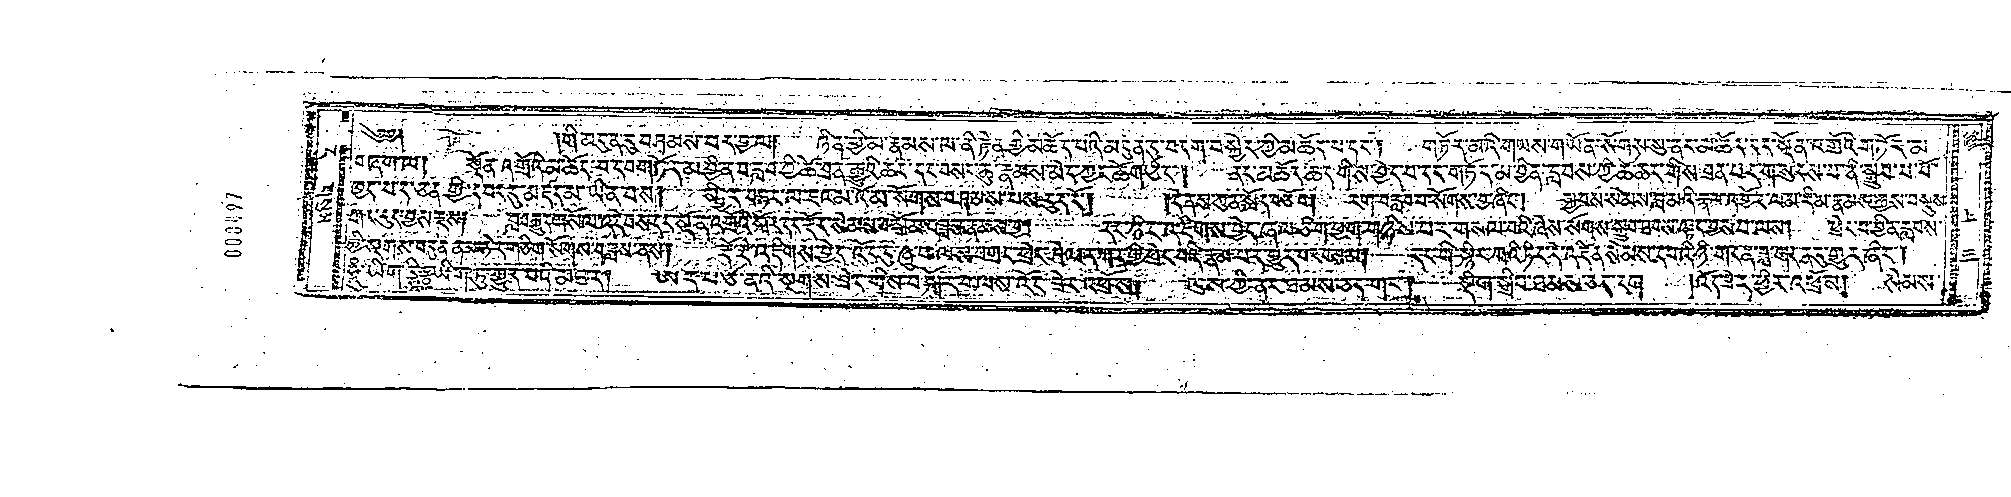༄༅། །གི་མདུན་དུ་བཤམས་པར་བྱ་ལ། ཉིན་ཕྱི་མ་རྣམས་ལ་ནི་རྟེན་གྱི་མཆོད་པའི་མདུན་དུ་བདག་བསྐྱེད་ཀྱི་མཆོད་པ་དང་། གཏོར་མའི་གཡས་གཡོན་སོགས་སུ་ནང་མ་ཆོད་དང་སྔོན་འགྲོའི་གཏོར་མ་
བཞག་ལ། སྔོན་འགྲོའི་མ་ཆོད་བ་དང་གཏོར་མ་བྱིན་བརླབ་ཀྱི་ཚེ་བྲན་རྒྱུའི་ཆང་དང་བསང་ཆུ་རྣམས་མེད་ཀྱང་ཆོག་ཅིང་། ནང་མཆོད་ཆང་གིས་བྱེད་པ་དང་གཏོར་མ་བྱིན་རླབས་ཀྱི་ཚེ་ཆང་གིས་བྲན་པར་གསུངས་པ་ནི་སྒྲུབ་པ་པོ་
ཁྱད་པར་ཅན་གྱི་དབང་དུ་མཛད་མ་ཡིན་བས། སྤྱིར་བཏང་ལ་ཇའམ་འོ་མ་སོགས་བཤམས་པས་རུང་ངོ། །དེ་ནས་ཀུན་སློང་བཅོ་བ། ངག་བརླབ་པ་སོགས་བྱ་ཞིང་། སྐྱབས་སེམས་བླ་མའི་རྣལ་འབྱོར་ལམ་རིམ་རྣམས་རྒྱས་བསྡུས་
གང་རུང་བྱས་རྫས། བླ་བརྒྱུད་གསོལ་འདེབས་དང་སྔོན་འགྲོའི་སྐོར་དང་རྡོར་སེམས་བསྒོམ་བཟླས་རྣམས་བྱ། རང་ཉིད་འཇིགས་བྱེད་ཞལ་ཅིག་ཕྱག་གཉིས་པར་གསལ་བའི་ཞེས་སོགས་སྒྲུབ་ཐབས་ལྟར་བྱས་པ་ལས། ཕྲེང་བ་བྱིན་རླབས་
ཀྱི་སྔགས་བདུན་ནམ་ཉེར་གཅིག་སོགས་བཟླས་ནས། རྡོ་རྗེ་འཇིགས་བྱེད་འོད་དུ་ཞུ་བ་ལས་བགྲང་ཕྲེང་ཤེལ་དཀར་གྱི་ཕྲེང་བའི་རྣམ་པར་གྱུར་པར་བསམ། རང་གི་སྙིང་ཀའི་ཏིང་ངེ་འཛིན་སེམས་དཔའི་ཉི་གདན་ཟླ་གདན་དུ་གྱུར་ཞིང་།
ཧཱུཾ་ཡིག་དྷཱིཿ་ཡིག་ཏུ་གྱུར་པའི་མཐར། ཨ་ར་པ་ཙ་ནའི་སྔགས་ཕྲེང་གིས་བསྐོར་བ་ལས་འོད་ཟེར་འཕྲོས། ལུས་ཀྱི་ནང་ཐམས་ཅད་གང་། སྡིག་སྒྲིབ་ཐམས་ཅད་དག །འོད་ཟེར་ཕྱིར་འཕྲོས། སེམས་